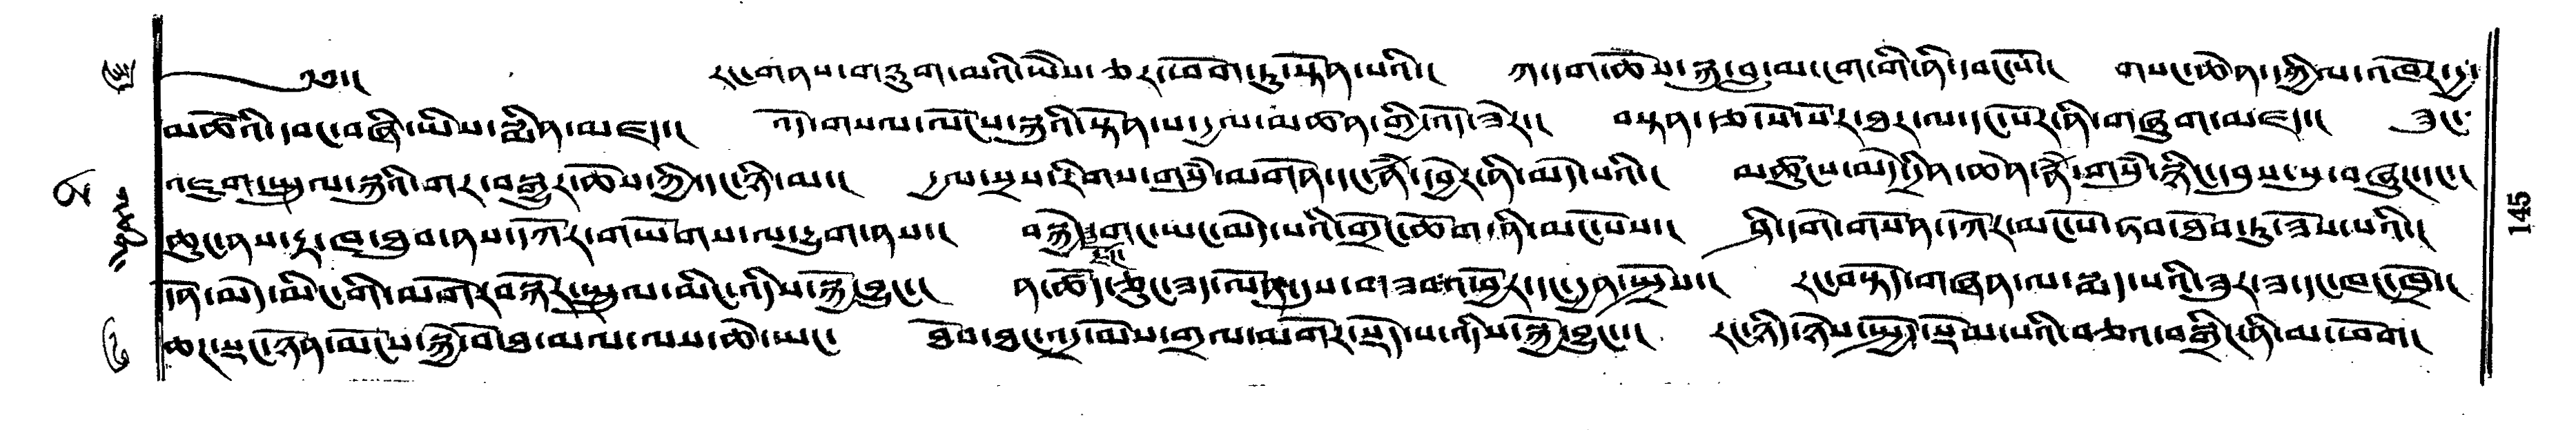༄༅། རང་གནས་གཉུག་མའི་ཡེ་ཤེས་ཅར་ཕོག་ཏུ་སྟོན་པའི། །ཀ་དག་ཆོས་སྐུའི་བླ་མ་ངག་གི་ནི་དབང་པོ། །གསང་ཆེན་དཀྱིལ་འཁོར་རྒྱ་
མཚོའི་དབང་བཞི་ཡིས་སྨིན་མཛད། །འོད་གསལ་ལོངས་སྐུའི་སྟོན་པ་རྒྱལ་མཚན་གྱི་འོད་ཟེར། །བསྟན་རྩ་སོ་སོར་ཐར་ལ་དང་པོར་ནི་འཇུག་མཛད། །ཟུང་
འཇུག་སྤྲུལ་སྐུའི་གར་སྒྱུར་ཆོས་ཀྱི་དང་ཉི་མ། །རྒྱལ་སྲས་རིགས་གསུམ་མགོན་དང་རྣམ་དབྱེར་ནི་མེད་པའི། །མཚུངས་མེད་དྲིན་ཆེན་རྣམ་གསུམ་སྙིང་དབུས་སུ་བཞུགས་དང་། །
ཆུང་ནས་རྟ་ཁ་ཐུབ་ནས་དཀོར་གཡོག་ལ་བརྒྱུགས་ནས། །བསྐྱེད་རྫོགས་གང་ཡང་མེད་པའི་གྲོང་ཆོག་ནི་མང་པོས། །ཤི་དགེ་གསོན་དཀོར་མང་པོ་ཧབ་ཐོབ་ཏུ་ཟོས་པའི། །
དོན་མེད་མིང་གིས་མགོ་བསྐོར་སྤྲུལ་མིང་འདིས་སྐྱོ་བྱུང་། །ན་ཚོད་ཅུང་ཟད་ལོན་དུས་གཟབ་འཕྱོར་དང་རྒྱན་སྤྲོས། །རང་བསྟོད་གཞན་ལ་སྨད་པའི་ཟུར་ཟ་དང་ཁོང་ཁྲོ། །
ཆགས་སྡང་ཉོན་མོངས་སྐྱེ་བོ་ཐ་མལ་ལས་ཆེ་ཡང་། །ཐོབ་ཐང་འདྲ་མོས་གྲལ་མགོར་སྡོད་པ་འདིས་སྐྱོ་བྱུང་། །རང་ཉིད་ཉེས་སྤྱོད་སྡོམ་པའི་བཅའ་བསྒྲིགས་ནི་མ་ཕོག